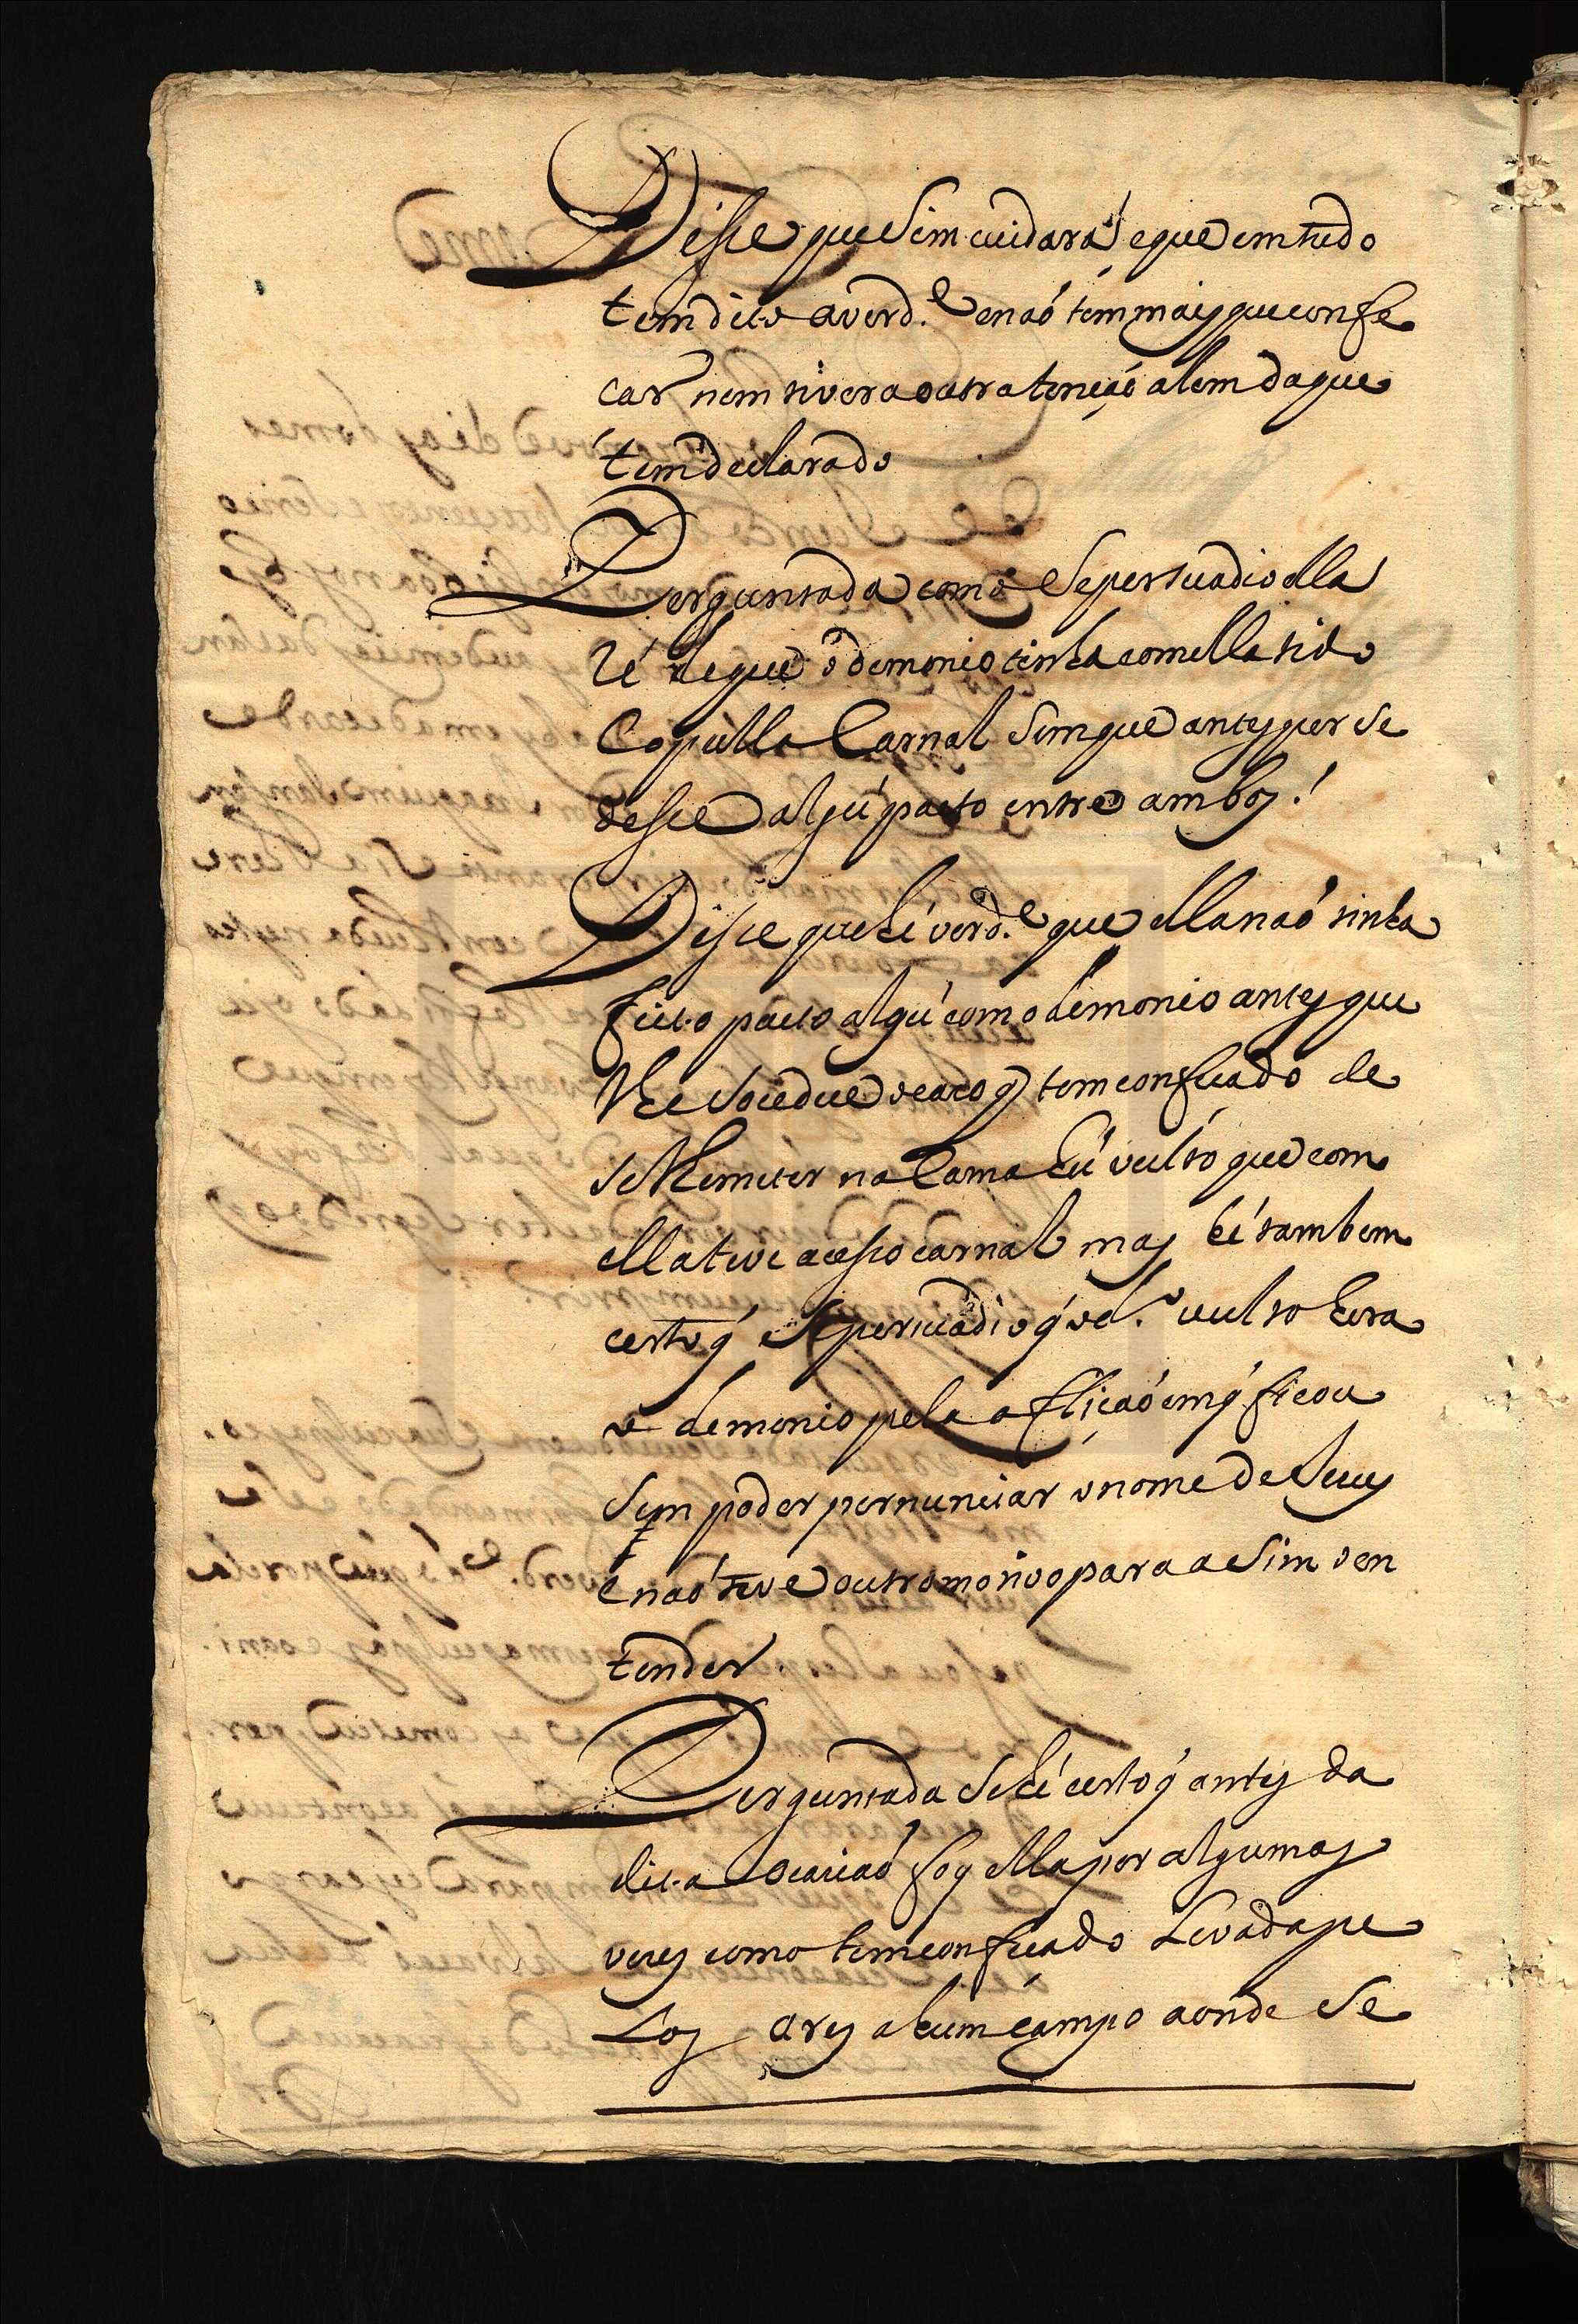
Disse que Sim cuidara, e que em tudo
tem dito a verd.e e naõ tem mais que confe
çar nem tivera outra tençaõ além da que
tem declarado
Perguntada como Se persuadiu ella
Ré de que o demonio tinha com ella tido
Copulla Carnal Sem que antes per se
desse algū pacto entre ambos?
Disse que hé verd.e que ella naõ tinha
feito pacto algū com o demonio antes que
lhe Socedece o cazo q̄ tem confeçado de
se lhe meter na Cama hū vulto que com
ella teve acesso carnal mas hé tambem
certo q̄ Se persuadio q̄ o d.o uulto hera
o demonio pela afliçaõ em q̄ ficou
Sem poder pernunciar o nome de Iesus
e naõ teve outro motivo para aSim o en
tender.
Perguntada Se hé certo q̄ antes da
dita ocaziaõ foy ella por algumas
vezes como tem confeçado Levada pe
Los ares a hum campo aonde Se
